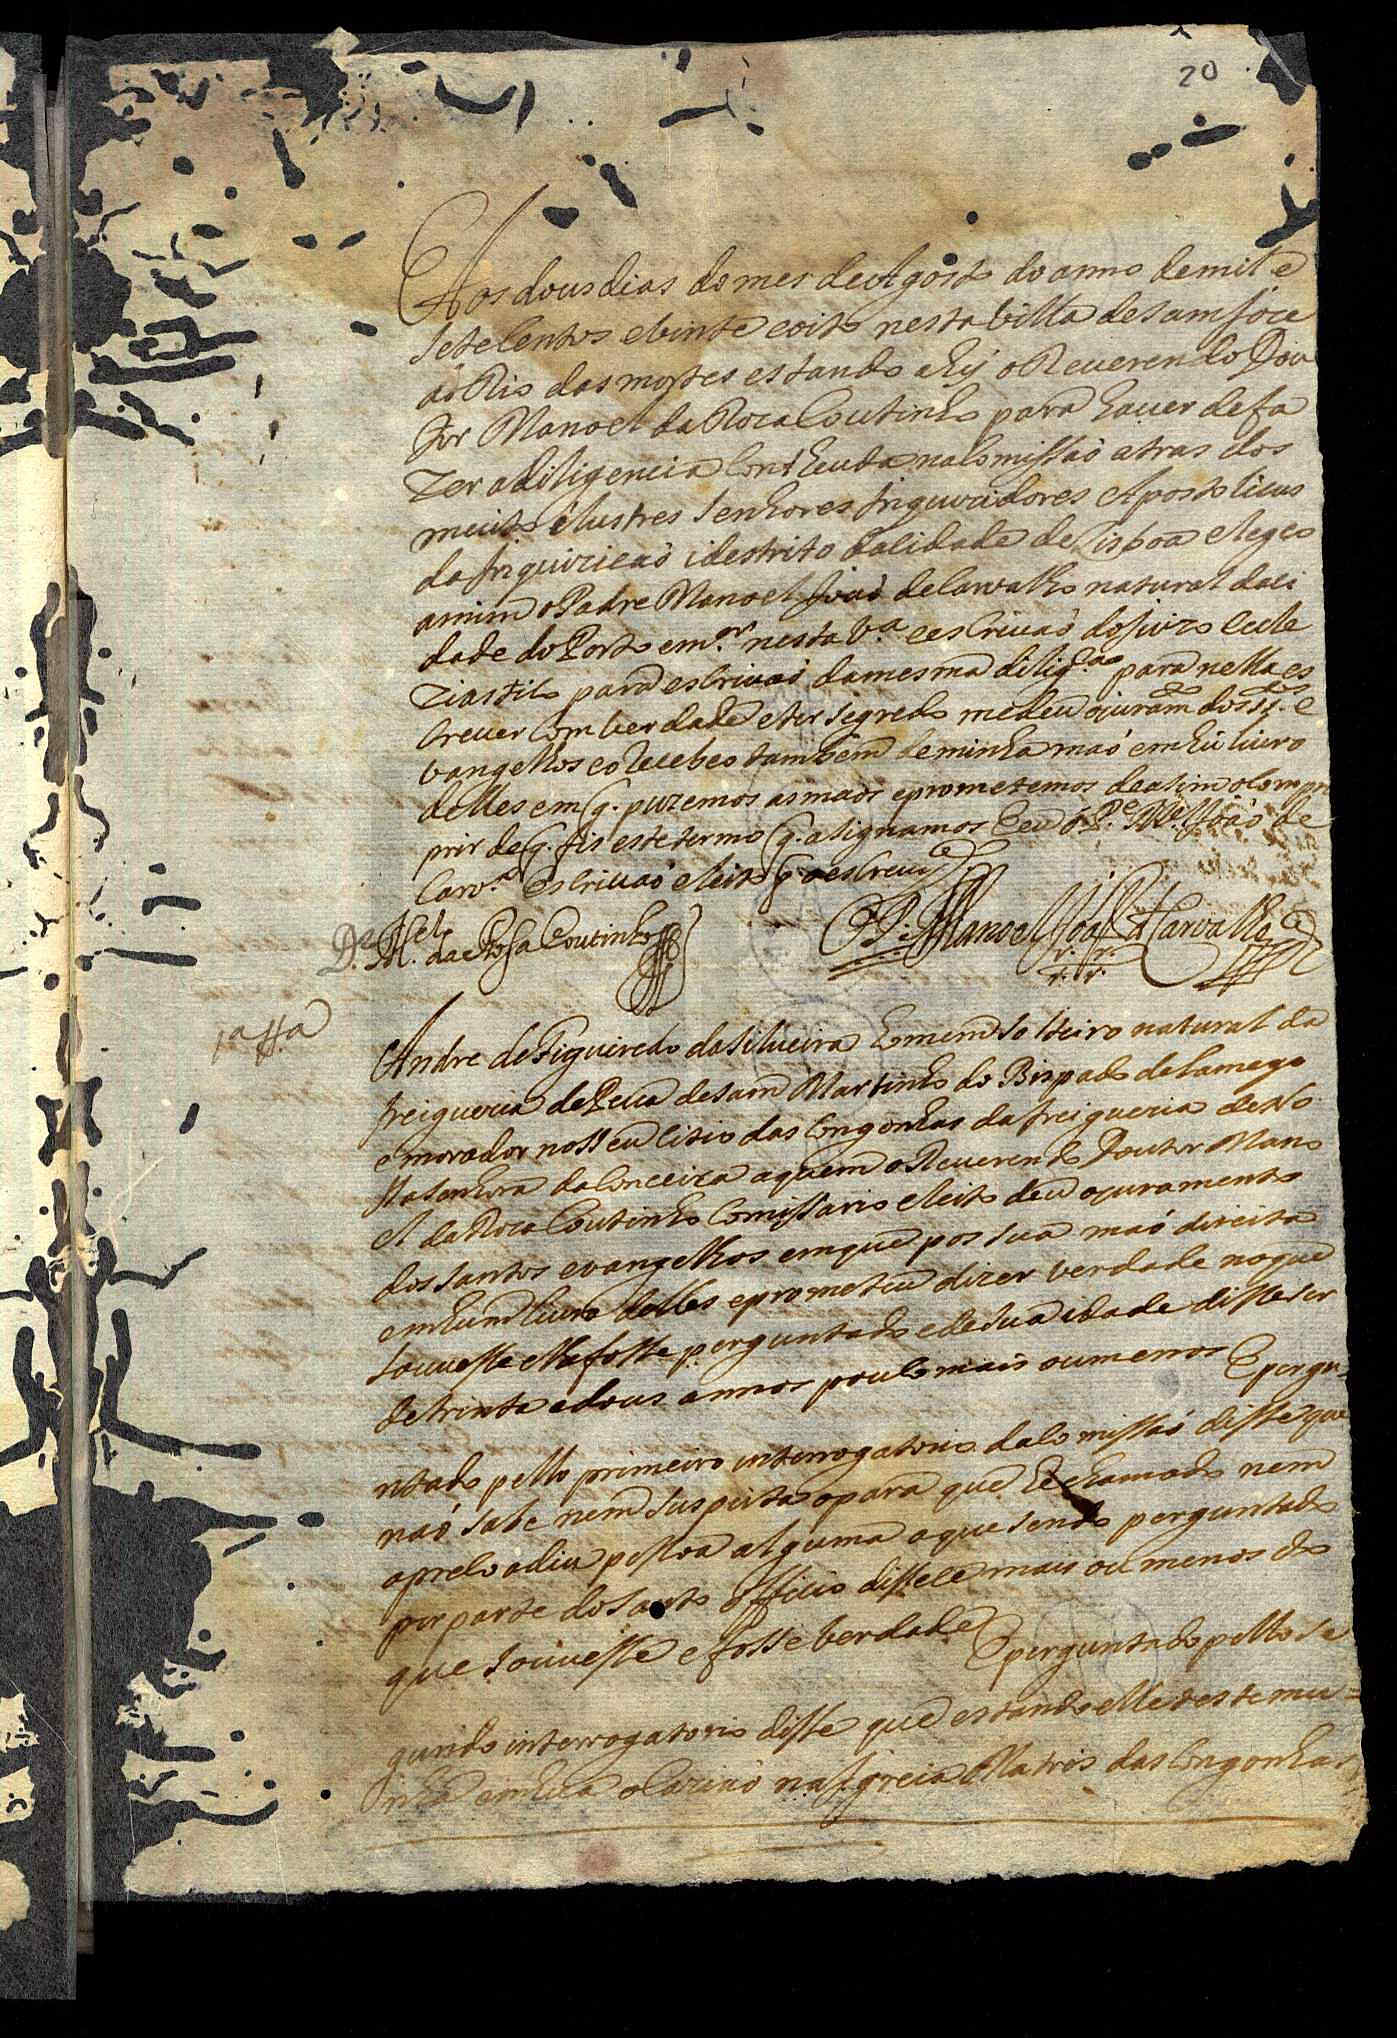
Aos dous dias do mes de Agosto do anno de mil e
seteCentos e vinte e oito nesta villa de sam Joze
ao Rio das mortes estando ahy o Reuerendo Dou
tor Manoel da Roza Coutinho para hauer de fa
zer a diligencia Contheuda na Comissaõ atras dos
muito èlustres senhores Inquizidores Apostolicus
da Jnquiziçaõ e destrito da cidade de Lisboa elegeo
a mim o Padre Manoel Joaõ de Carvalho natural da ci
dade do Porto e m.or nesta V.a e esCriuaõ do Juizo eccle
ziastico para escrivaõ da mesma dilig.ça para nella es
Creuer com verdade e ter segredo me deu o juramto dos s.tos e
vangelhos e o Recebeo tambem de minha maõ em hū liuro
a elles em q̄. puzemos as maos e prometemos de asim o compr
prir de q̄. fis este termo q̄ asignamos E eu o P.e M.el Joaõ de
Carv.o Escriuaõ eleito q̄ o esCreuy.
O P. Manoel Joaõ d̄ Carvalho
Dr M.el da Rosa Coutinho
Andre de Figuiredo da silueira homem solteiro natural da
1a tt.a
freiguezia de Peua de sam Martinho do Bispado de Lamego
e morador no sseu citio das congonhas da freiguezia de No
ssa senhora da Conceira a quem o Reuerendo Doutor Mano
el da Roza Coutinho Comissario eleito deu o juramento
dos santos evangelhos em que pos sua maõ direita
em hum liuro delles e prometeu dizer verdade no que
souuesse e lhe fosse perguntado e de sua idade disse ser
de trinta e dous annos pouco mais ou menos
E pergu
ntado pello primeiro interrogatorio da Comissaõ disse que
naõ sabe nem suspeita o para que he chamado nem
o preçoadiu pessoa alguma a que sendo perguntado
por parte do santo officio dissece mais ou menos de
que souuesse e fosse verdade
E perguntado pello se
gundo interrogatorio disse que estando elle testemu
nha em hua oCaziaõ na Jgreia Matris das Congonhas
